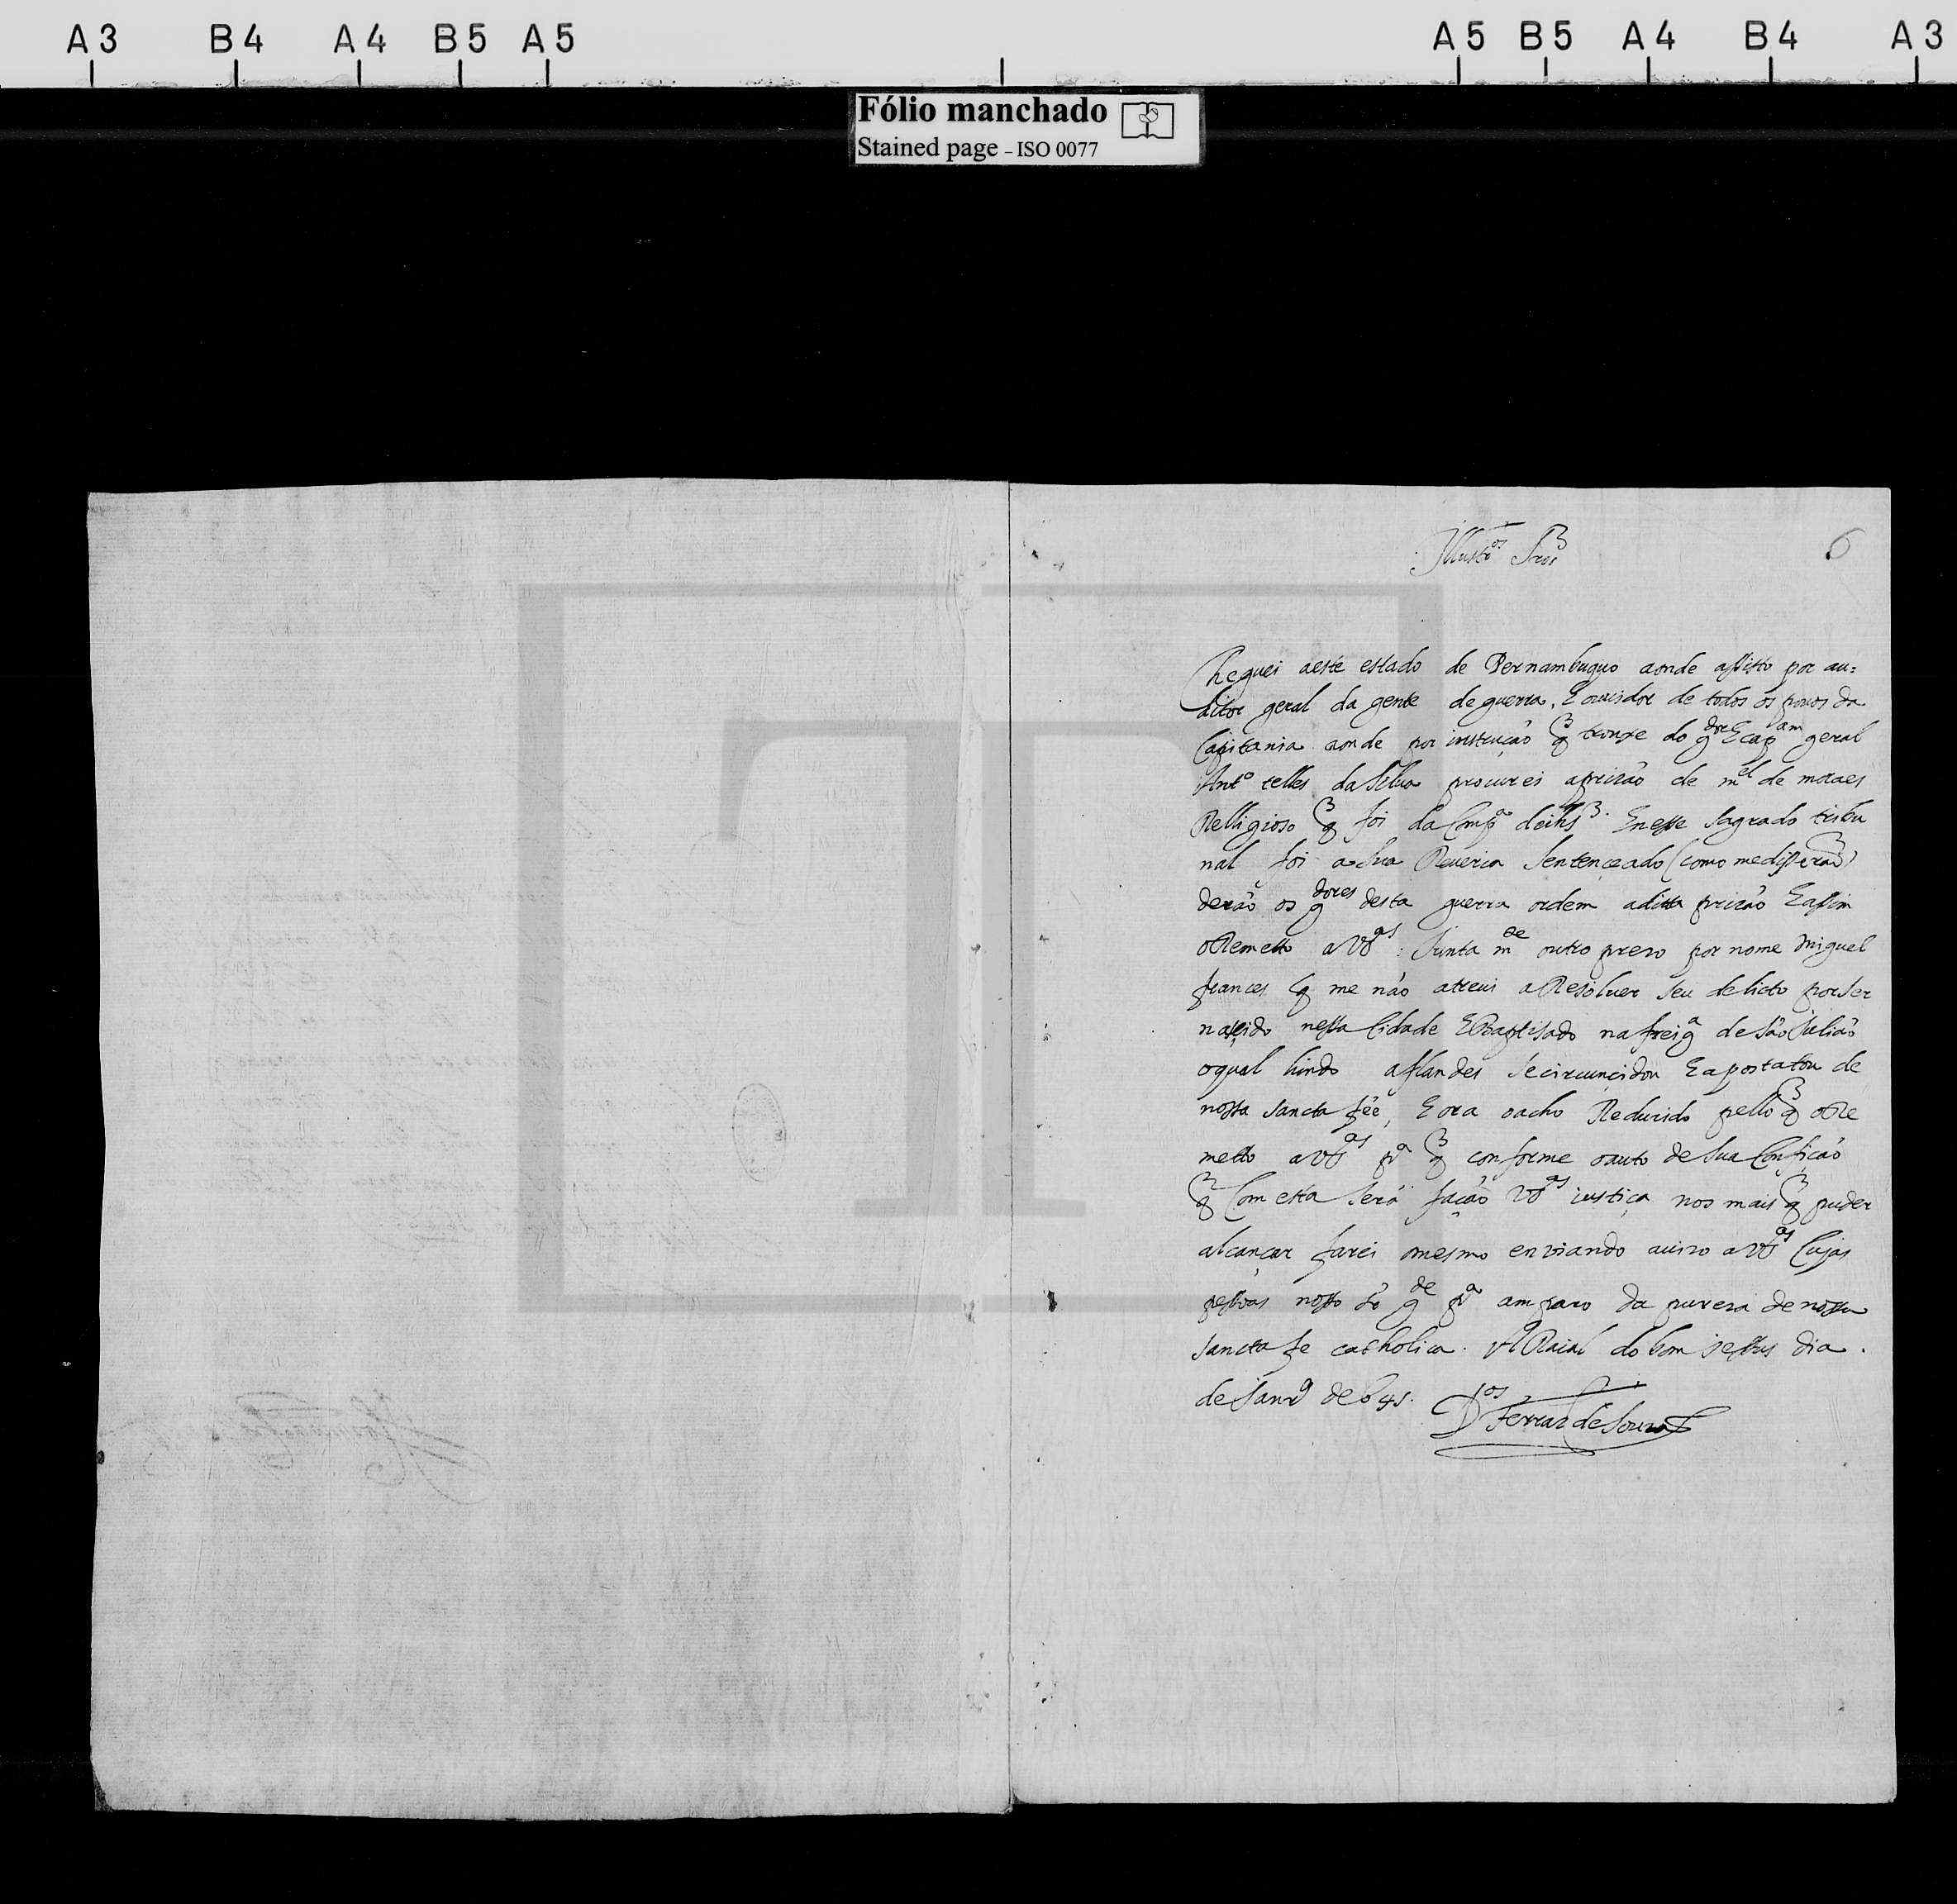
Illustr.os S̄res
Cheguei a este estado de Pernambuquo aonde assisto por au
ditor geral da gente de guerra, E ouuidor de todos os pouos da
Capitania aonde por instruçaõ q̄ trouxe do gdor E capam geral
Anto telles da Silua procurei a prizão de mel de moraes
Relligioso q̄ foi da Compa de ihs̄ E nesse sagrado tribu
nal foi a Sua Reueria Sentenceado (como me disserão)
derão os gdores desta guerra ordem a ditta prizaõ E assim
o Remetto a V sas. Juntamte outro preso por nome miguel
frances q̄ me não atreui a Resoluer seu delicto por ser
nascido nessa Cidade E Baptisado na freiga de saõ Juliaõ
o qual hindo a flandes se circuncidou E apostatou de
nossa sancta fée, E ora o acho Reduzido pello q̄ o Re
metto a V sas pa q̄ conforme o auto de Sua Confiçaõ
q̄ Com esta será fação V sas iustiça nos mais q̄ puder
alcançar farei o mesmo enviando auizo a V sas Cujas
pessoas nosso sr̄ gde pa amparo da pureza de nossa
sancta fe catholica. ARaial do bom jessus dia
de Janro de 645.
Dos Ferraz de Souza
